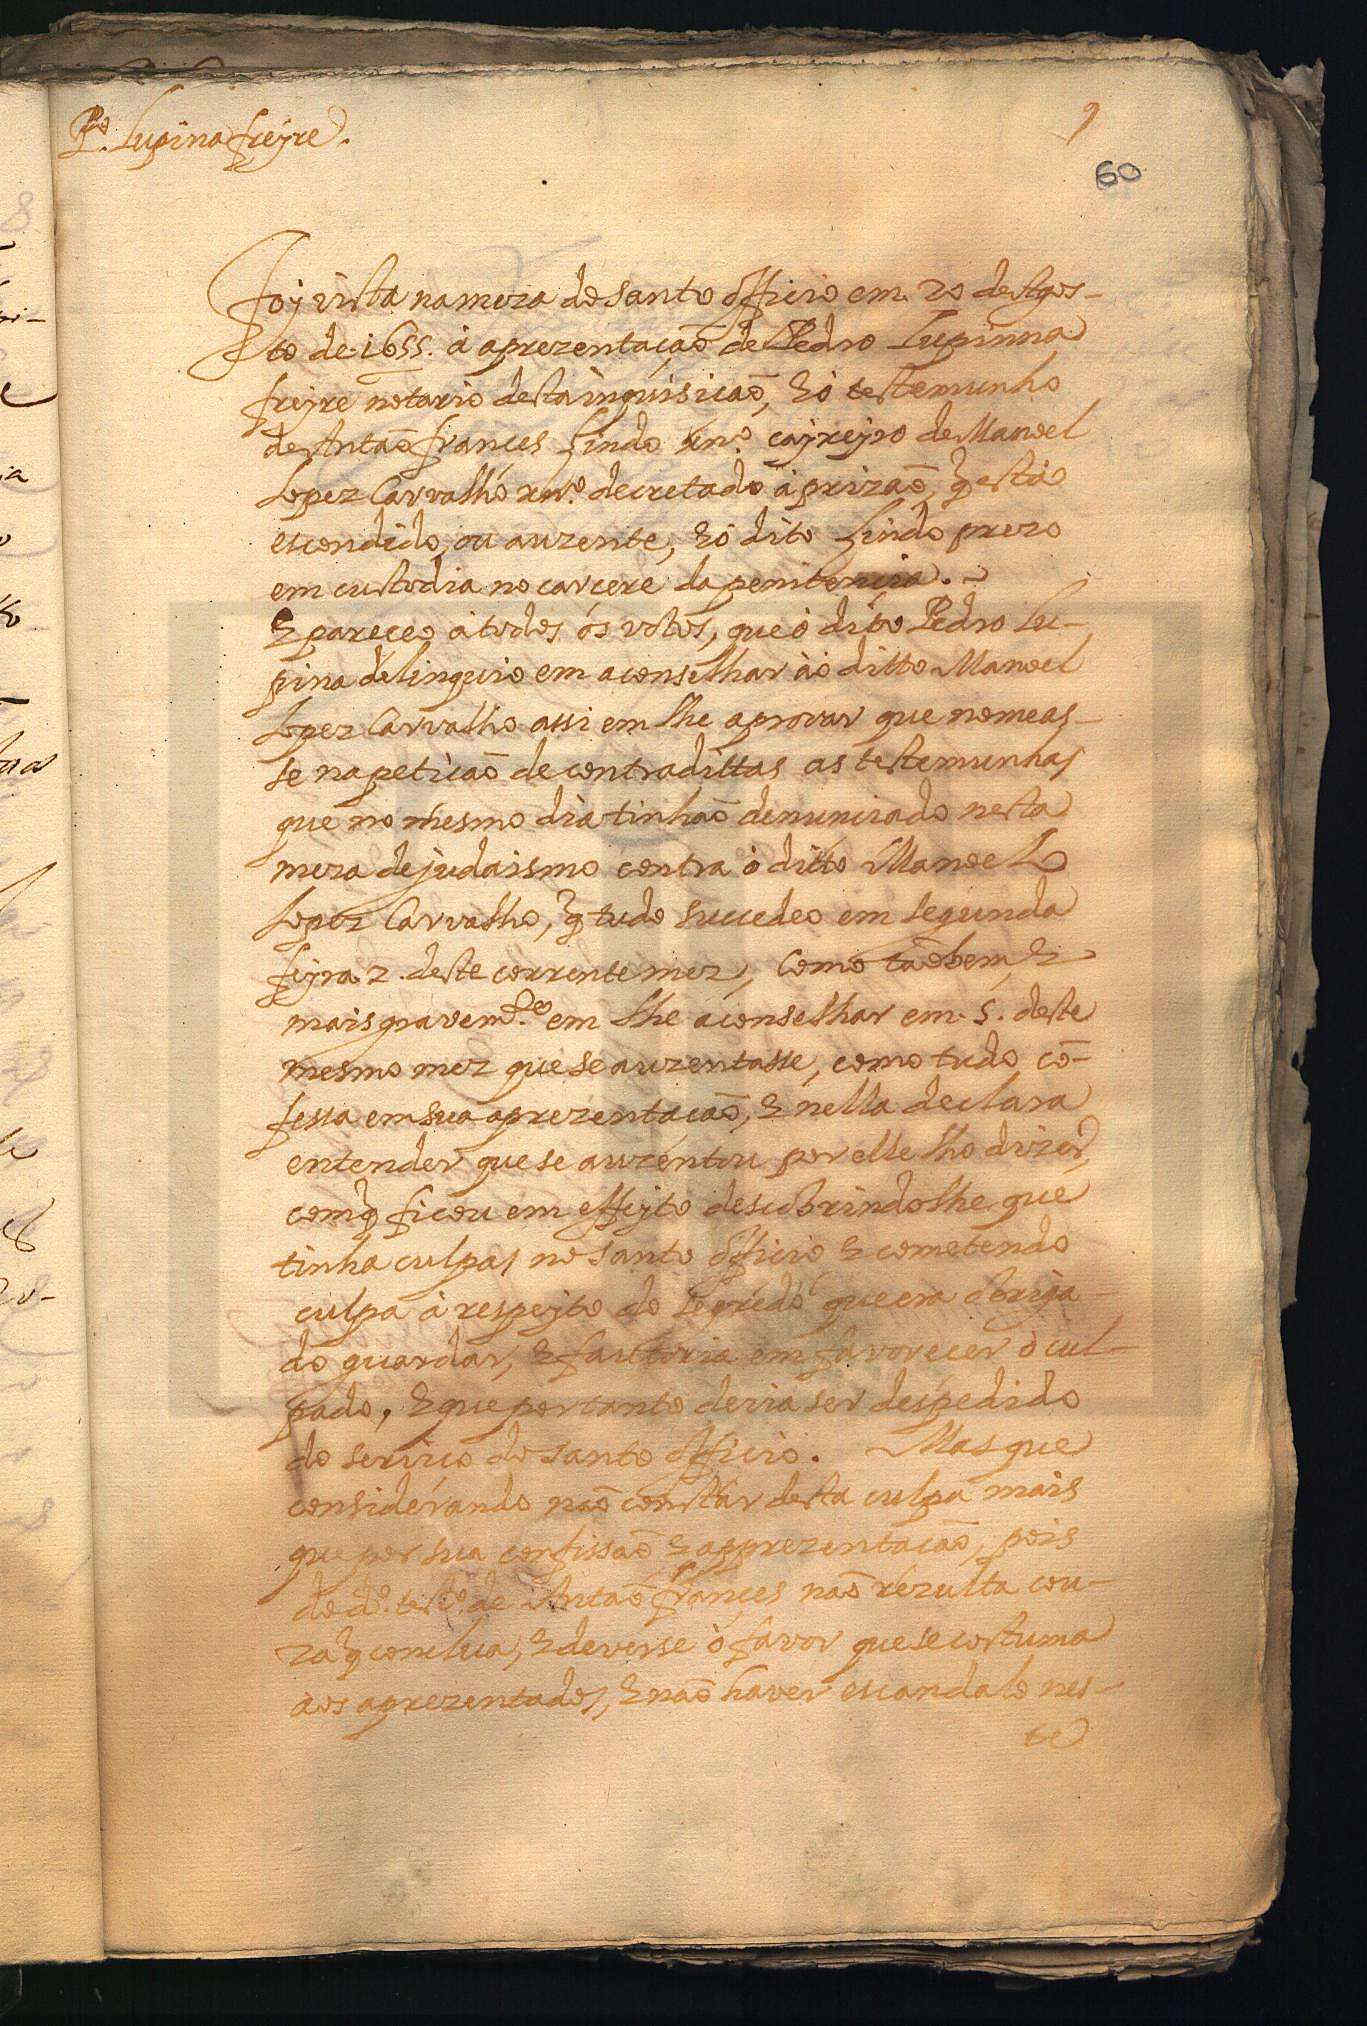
9
Po. lupina freyre
foy vista na meza do santo officio em 20 de Agos
to de i655. a aprezentaçaõ de Pedro Lupinna
freyre notario desta inquisiçaõ, E o testemunho
de Antaõ frances Lindo xn.o cayxeyro de Manoel
Lopez Carvalho xn.o decretado à prizaõ, q̄ está
escondido, ou auzente, E o dito Lindo prezo
em custodia no carcere da penitencia.
E pareceo a todos os votos, que o dito Pedro lu
pina delinquio em aconselhar ao ditto Manoel
Lopez Carvalho assi em lhe aprovar que nomeas
se na petiçaõ de contradittas as testemunhas
que no mesmo dia tinhaõ denunciado nesta
meza de judaismo contra o ditto ManoeL
Lopez Carvalho, q̄ tudo succedeo em segunda
feyra deste corrente mez, como taõbem, E
mais gravem.te em lhe aconselhar em .S. deste
mesmo mez que se auzentasse, como tudo cō
fessa em sua aprezentaçaõ, E nella declara
entender que se auzentou por elle lho dizer,
com q̄ ficou em effeyto descobrindolhe que
tinha culpas no santo officio E cometendo
culpa a respeyto do segredo que era obriga
do guardar, E fautoria em favorecer o cul
pado, E que portanto devia ser despedido
do serviço do santo officio. Mas que
considerando naõ constar desta culpa mais
que por sua confissaõ E apprezentaçaõ, pois
do d̄.o test.o de Antaõ frances naõ rezulta cou
za q̄ conclua, E devesse o favor que se costuma
aos aprezentados, E naõ haver escandalo nes
te
